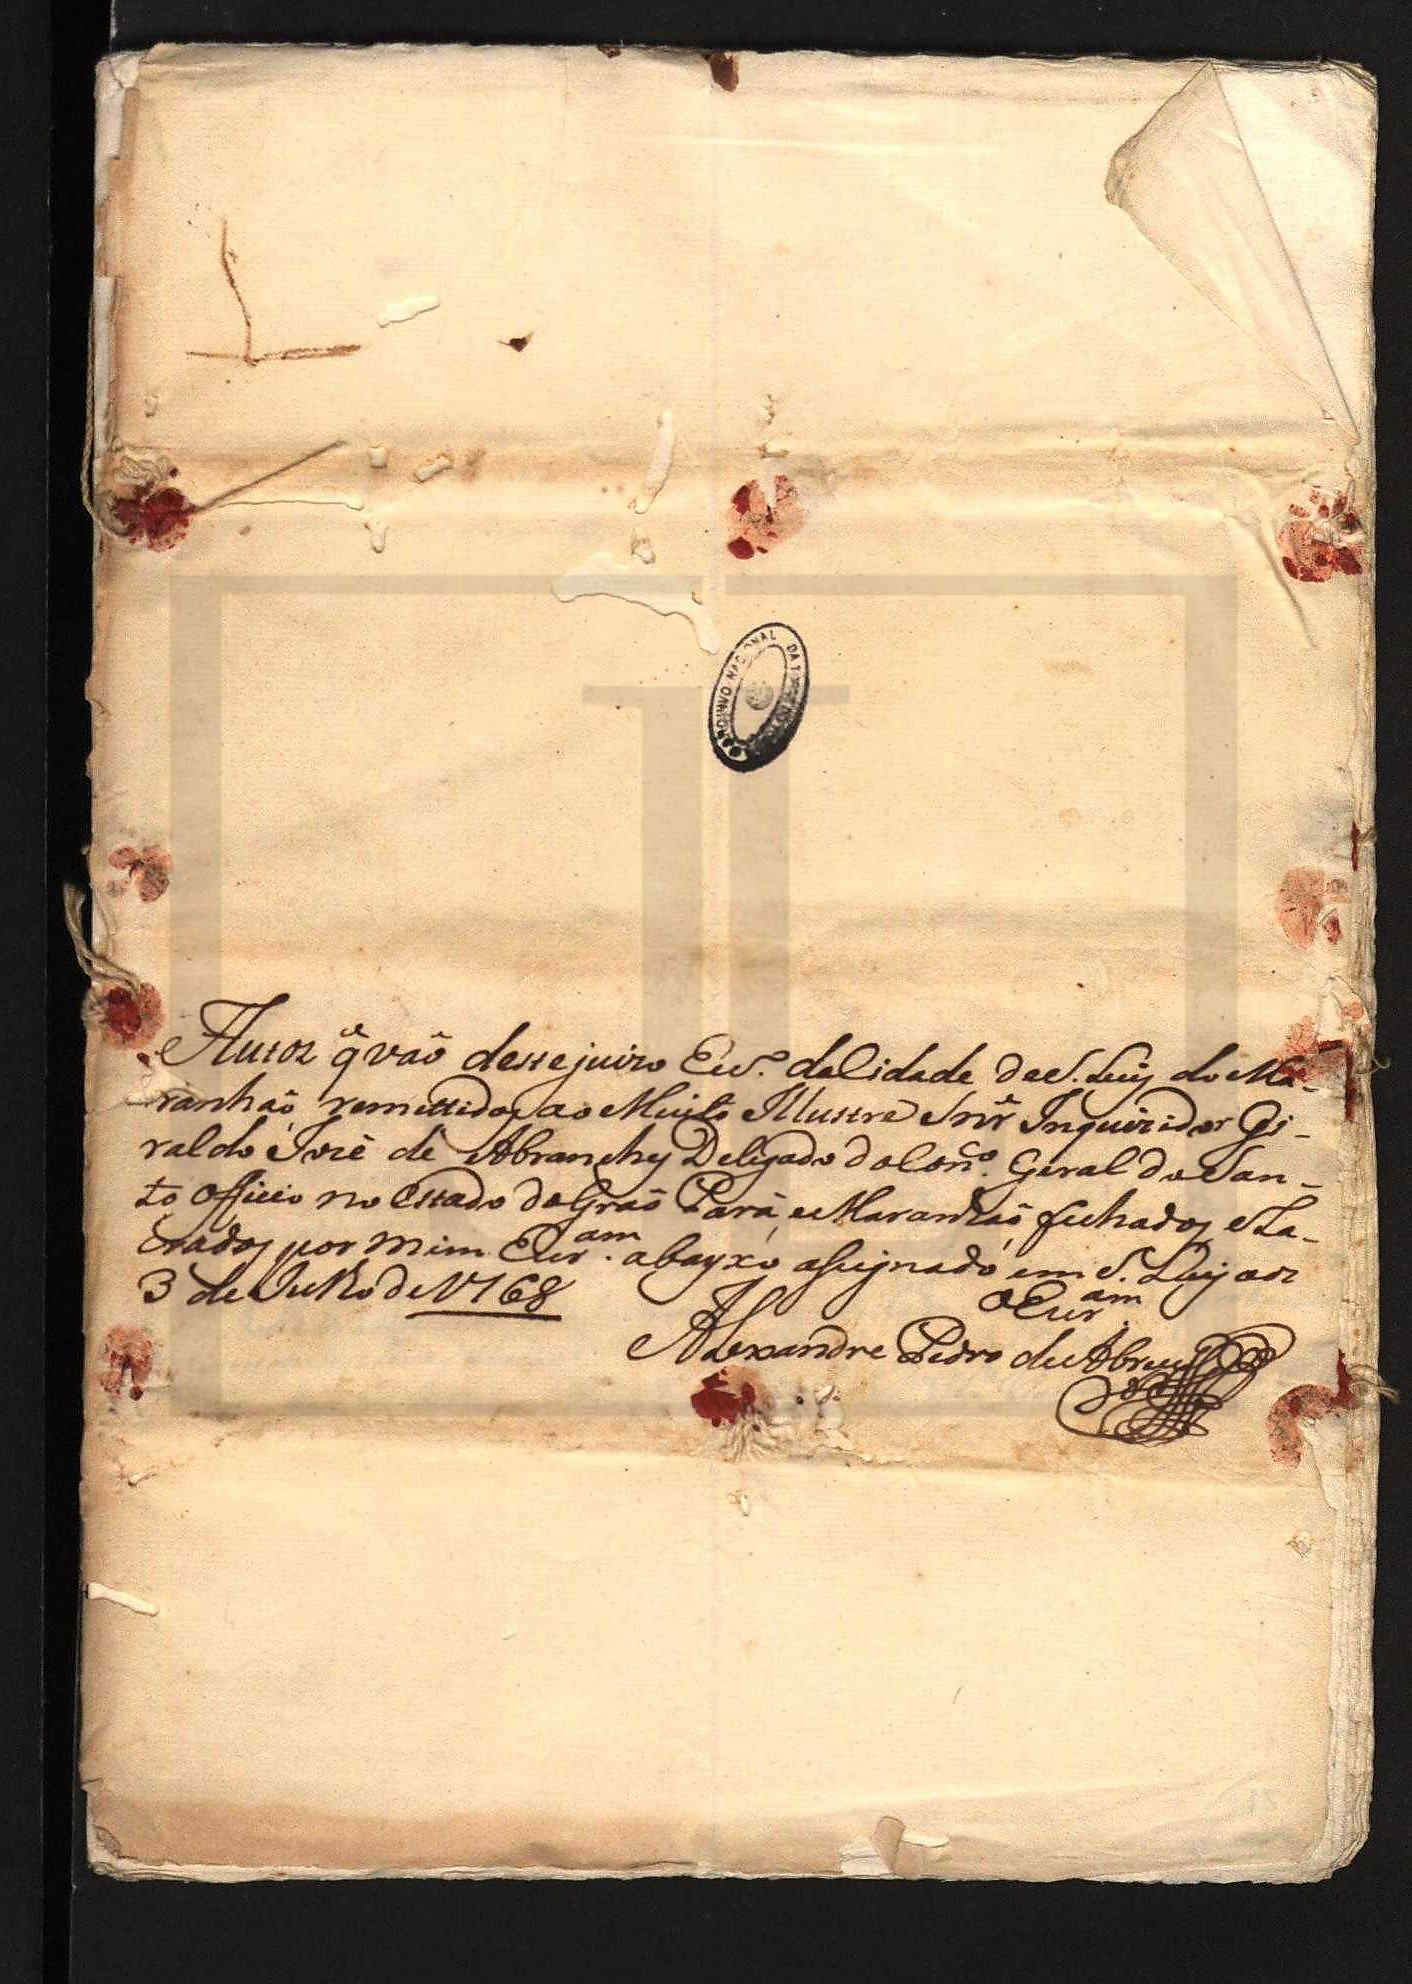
Autos q̄ vaõ deste juizo Ecc.o da Cidade de S. Luis do Ma
ranhaõ, remettidos ao Muito Illustre Snr̄ Inquizidor Gi
raldo Iozè de Abranches Delegado do Con.co Geral do San
to officio no estado do Graõ Parà, e Maranhaõ, fechados, e La
crados por mim Escr.am abayxo assignado em S. Luis aos
3 de Iulho de 1768
o Escr.am
ALexandre Pedro de Abreu
